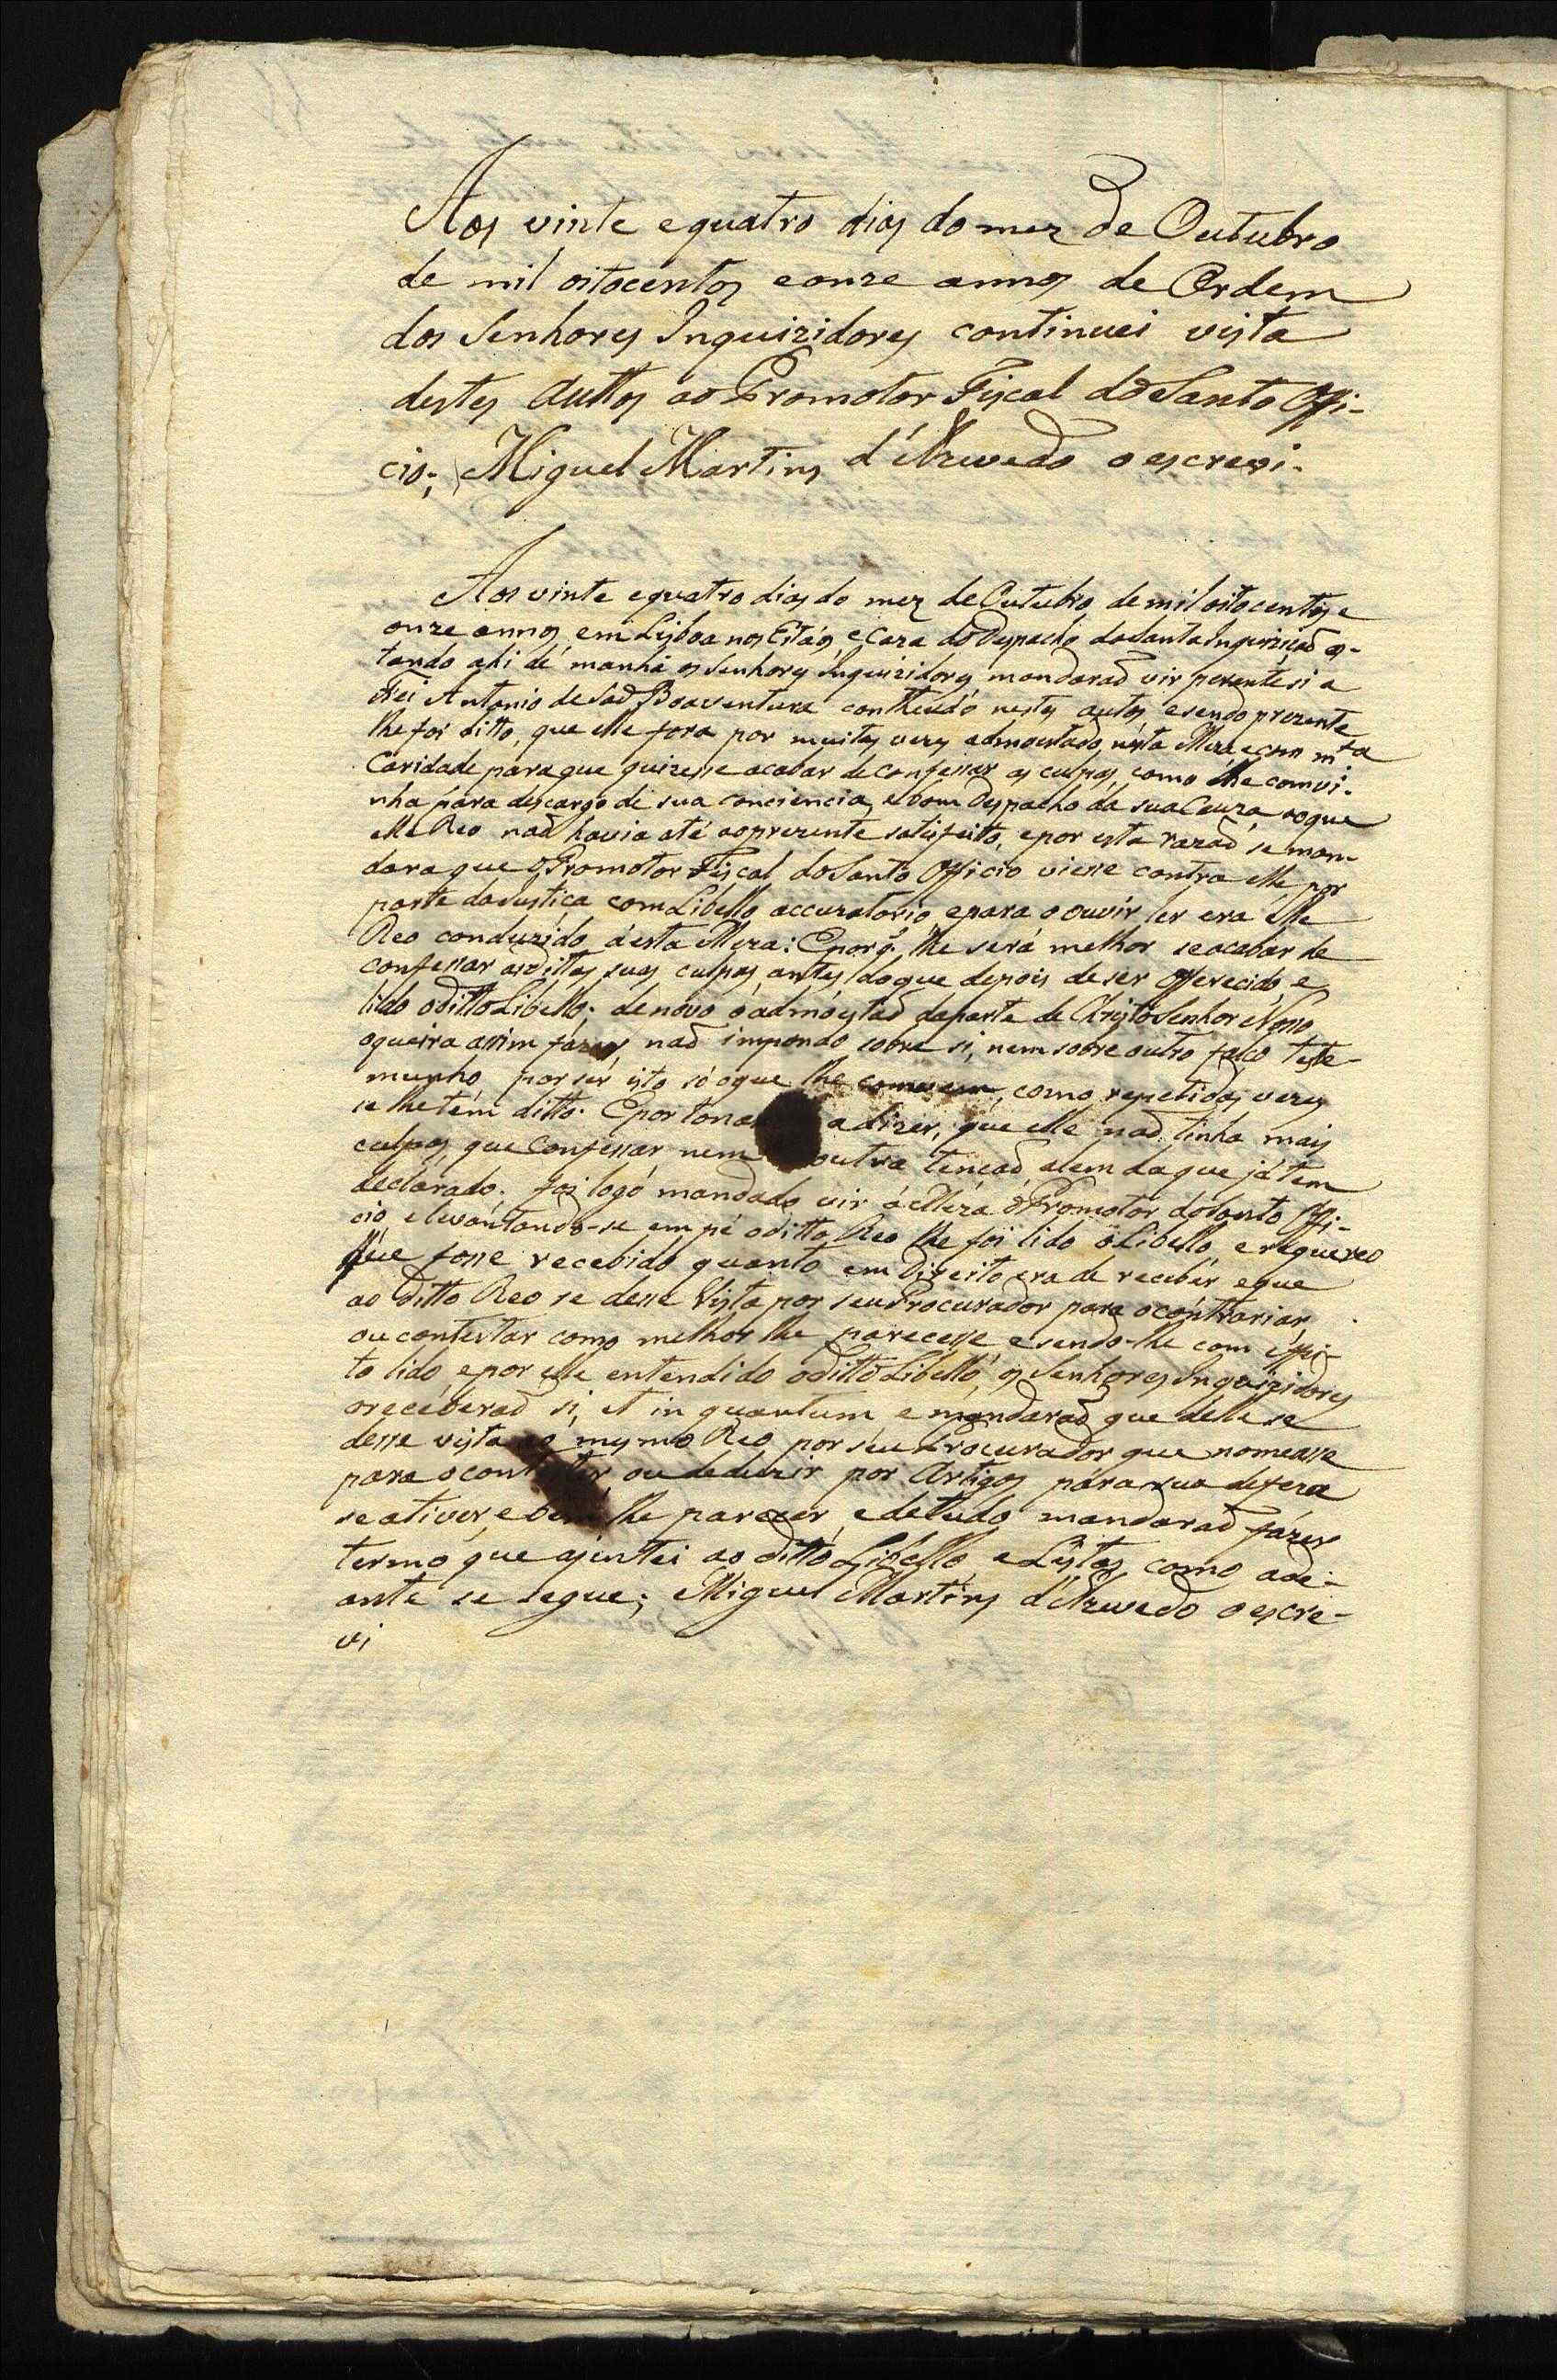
Aos vinte e quatro dias do mez de Outubro
de mil oitocentos e onze annos de Ordem
dos Senhores Inquizidores continuei vista
destes Auttos ao Promotor Fiscal do Santo Offi
cio; Miguel Martins d'Azevedo o escrevi.
Aos vinte e quatro dias do mez de Outubro de mil oitocentos e
onze annos, em Lisboa nos Estáos, e caza do Despacho da Santa Inquiziçaõ es
tando ahi de manhã os Senhores Inquizidores, mandaraõ vir perante si a
Frei Antonio de Saõ Boaventura contheudo nestes autos, e sendo prezente
lhe foi ditto, que elle fora por muitas uezes admoestado, nesta Meza e com m.ta
Caridade para que quizesse acabar de confessar as culpas, como lhe comvi
nha para descargo de sua conciencia, e bom despacho da sua cauza ao que
elle Reo naõ havia até ao prezente satisfeito, e por esta razaõ se man
dara que o Promotor Fiscal do Santo Officio viesse contra elle, por
parte da Iustiça com Libello accuzatorio, e para o ouvir ler era elle
Reo conduzido á esta Meza: E porq̄ lhe será melhor se acabar de
confessar as dittas suas culpas, antes, do que depois de ser Offerecido, e
lido o ditto Libello; de novo o admoestaõ da parte de Christo Senhor Nosso
o queira assim fazer, naõ impondo sobre si, nem sobre outro falço teste
munho por ser isto só o que lhe comvem, como repetidas vezes
se lhe tem ditto. E por tona_ a dizer, que elle naõ tinha mais
culpas, que confessar, nem _outra tençaõ, alem da que já tem
declarado; foi logo mandado vir á Meza o Promotor do Santo Offi
cio, e levantando-se em pé o ditto Reo lhe foi lido o Libello, e requereo
que fosse recebido quanto em Direito era de receber, e que
ao ditto Reo se desse Vista por seu Procurador para o contrariar,
ou contestar como melhor lhe parecesse, e sendo-lhe com effei
to lido, e por elle entendido o ditto Libello, os Senhores Inquizidores
o receberaõ si, et in quantum, e mandarão que delle se
desse vista _o mesmo Reo por seu Procurador que nomeasse
para o cont_ar, ou deduzir por Artigos para sua defeza
se a tiver, e bem lhe parecer, e de tudo mandaraõ fazer
termo que ajintei ao ditto Libello, e Listas, como ade
ante se segue; Miguel Martins d'Azevedo o escre
vi
